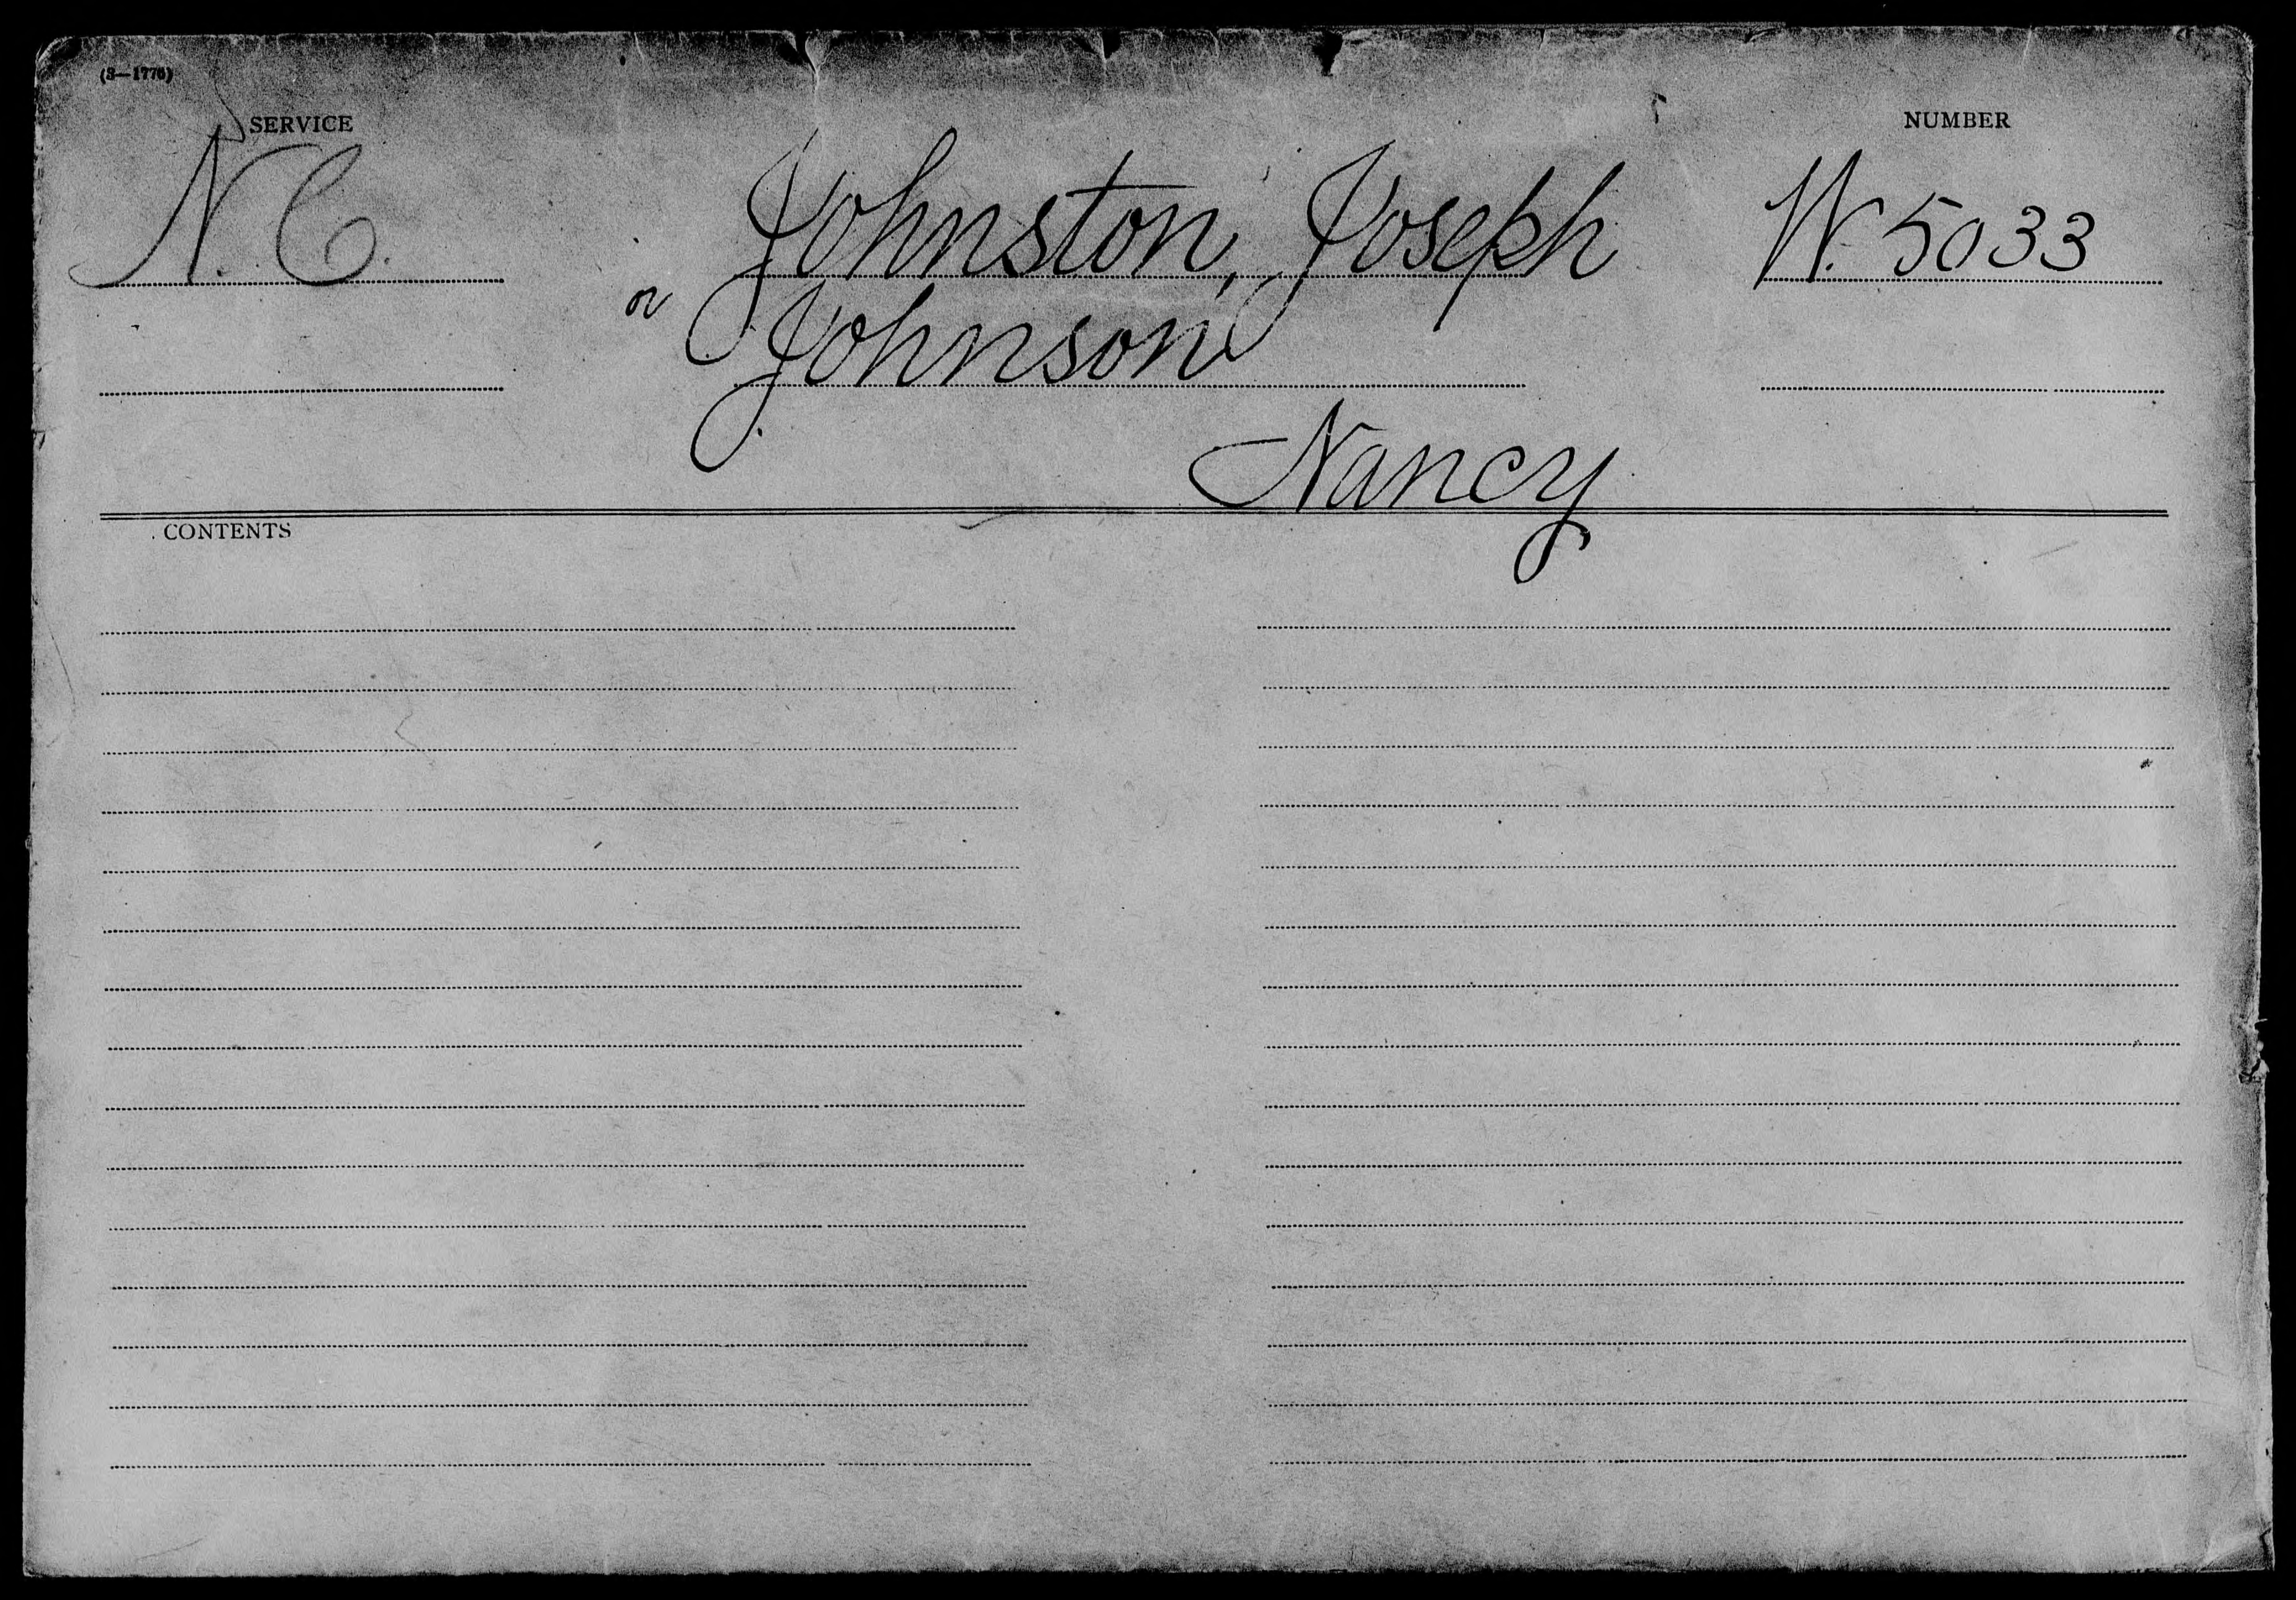[typed form, with handwritten responses]

[3-1776]

SERVICE
N. C.

Johnston, Joseph
or Johnson 

NUMBER
W.5033

Nancy
CONTENTS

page: 1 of 41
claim: widow's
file: W. 5033, for Joseph Johnston, North Carolina